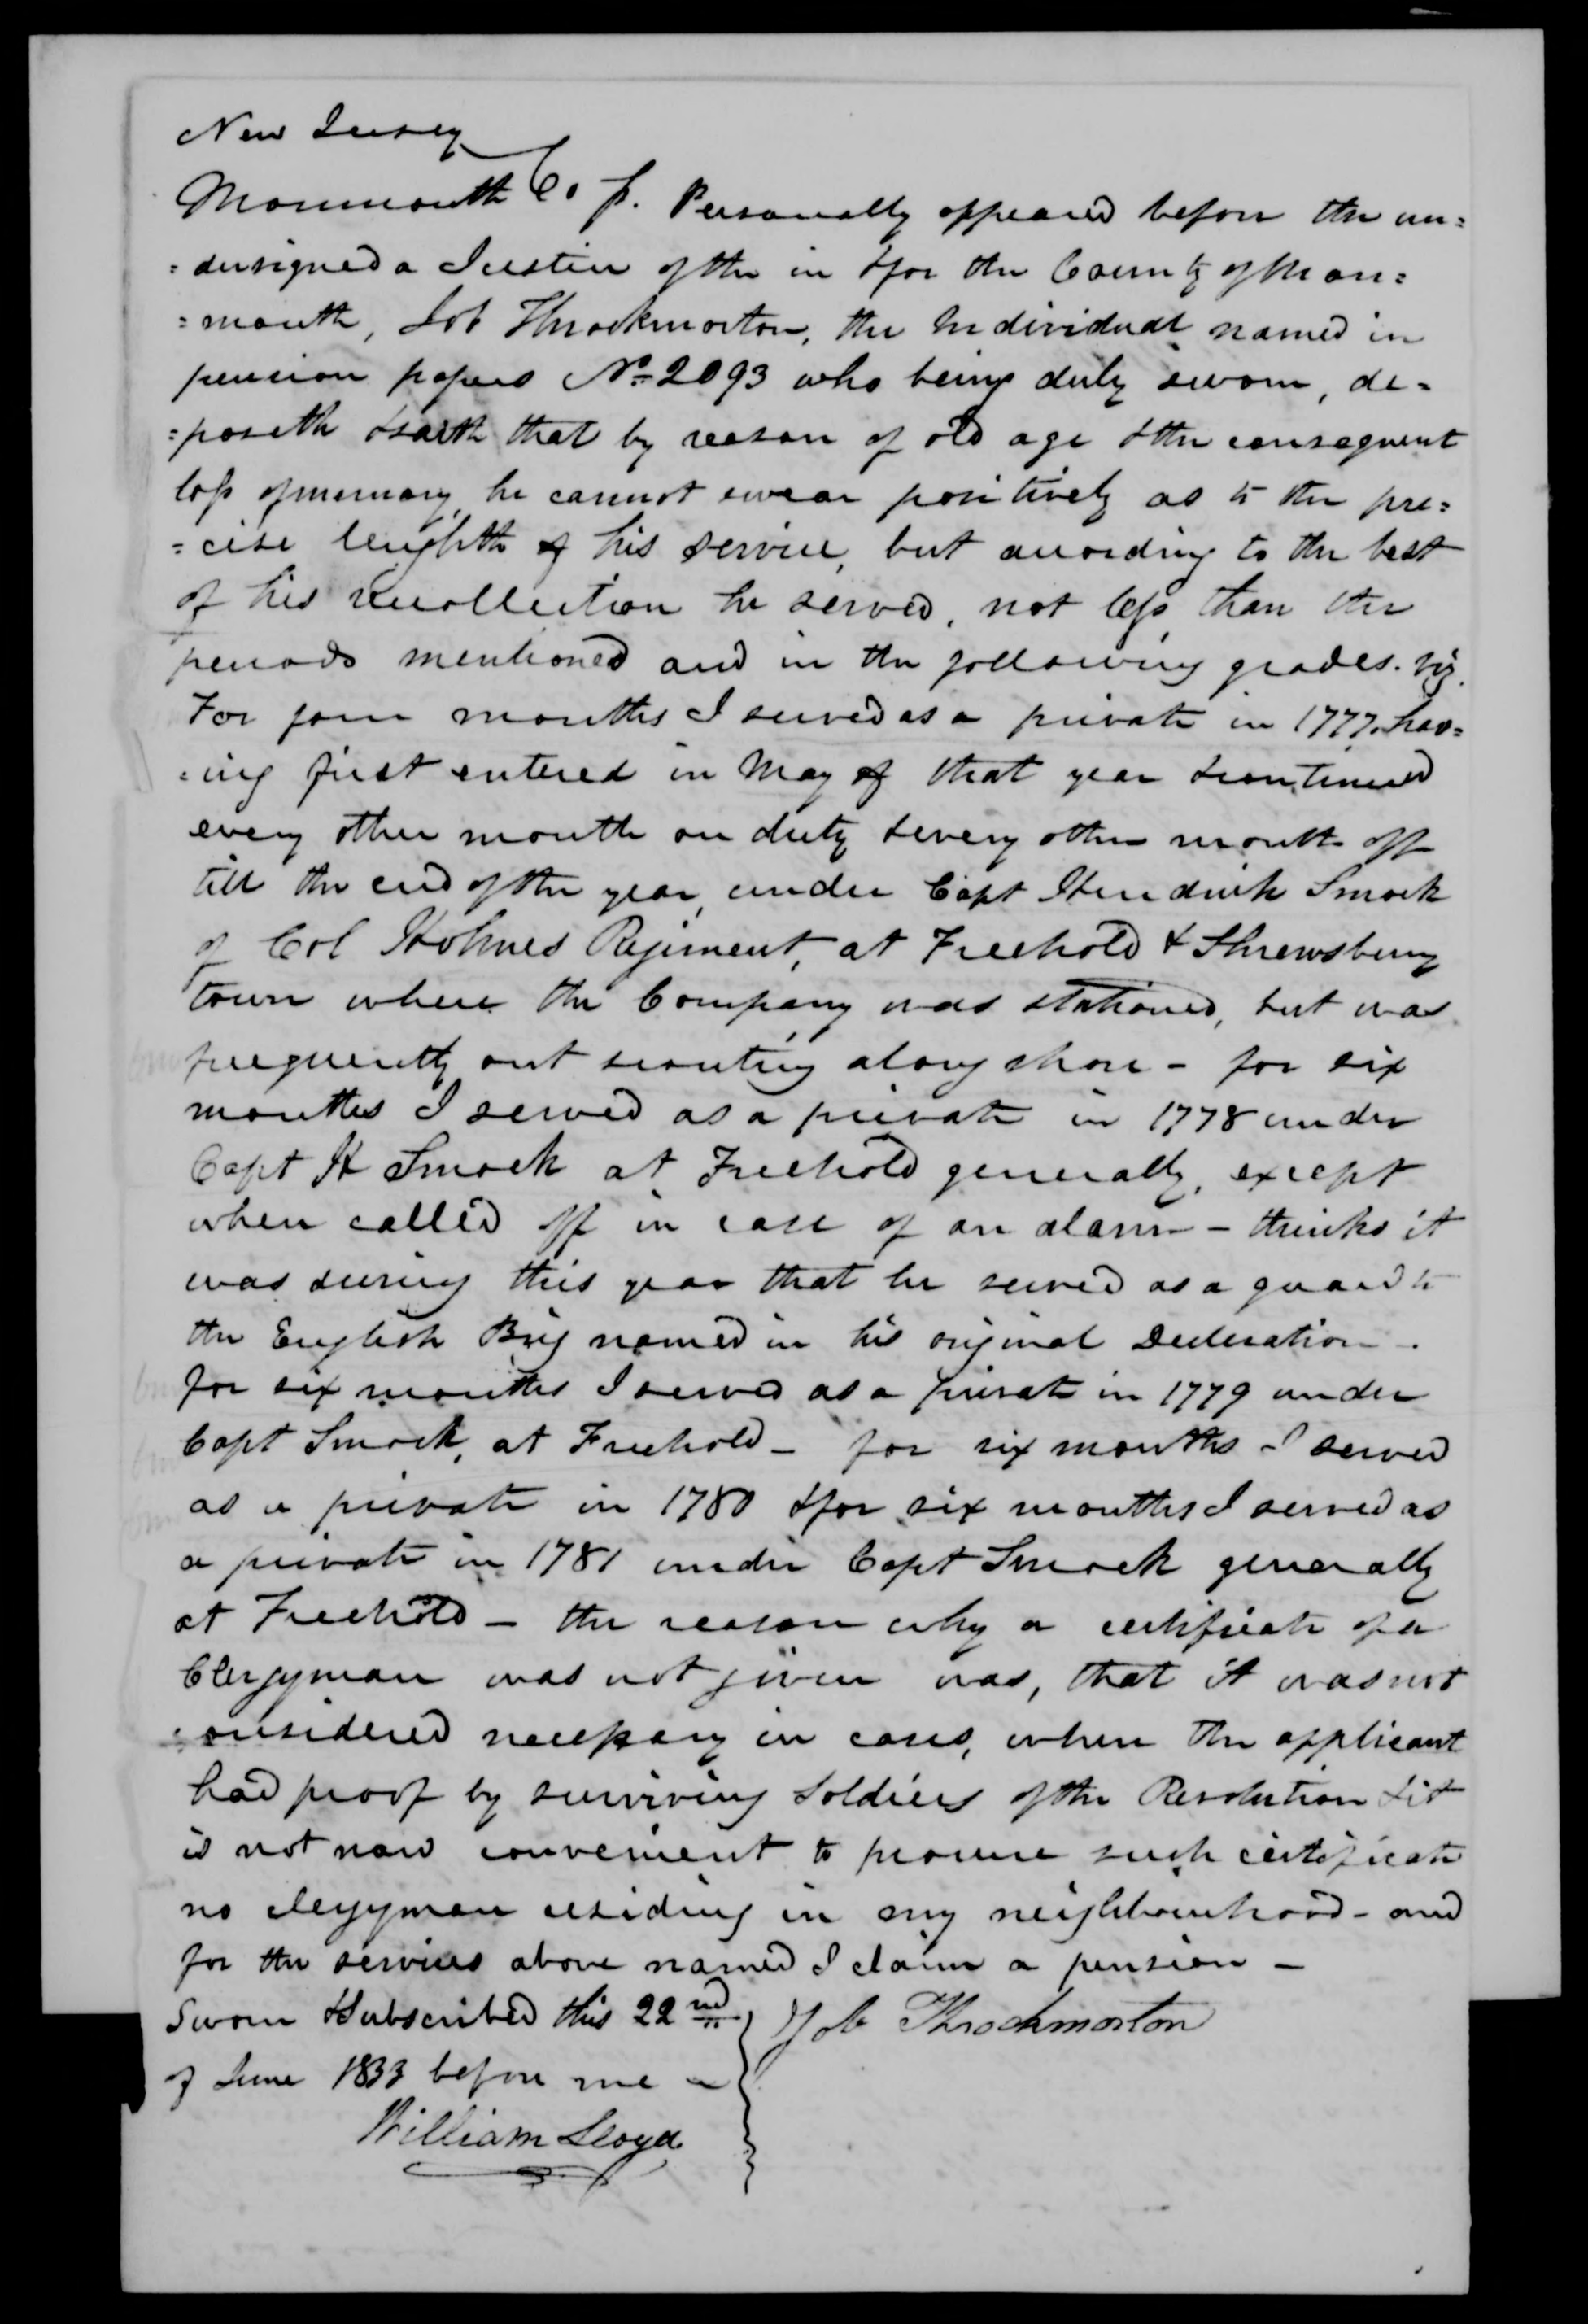New Jersey Monmouth Co. I personally appeared before the undersigned a Justice of the in and for the county of Monmouth, Job Throckmorton, the individual named in the pension papers N. 2093 who being duly sworn, deposeth and saith that by reason of old age and the consequent lapse of memory, he cannot swear positively as to the precise length of his service, but according to the best of his recollection he served, not less, than the period mentioned and in the following grades viz., For four months I served as a private in 1777, having first entered in May of that year and continued every other month on duty and every other month off till the end of the war, under Capt. Hendrick Smock of col Holmes Regiment, at Freehold and Shrewsbury town where the company was stationed, but was frequently out scouting along shore- for six months I served as a private in 1778 under Captain H. Smock at Freehold generally, except when called off in case of an alarm- thinks it was during this  year that he served as a guard to the English Brig named in his original declaration. For six months I served as a private in 1779 under captain. Smock at Freehold- for six months I served as a private in 1780 and for six months I served as a private in 1781 under Capt Smock generally at Freehold- the reason why a certificate of a Clergyman was not given was, that is was not considered necessary in cases, when the applicant had proof of surviving soldiers of the Revolution and it is not now convenient to procure such certificate no clergyman residing in any neighborhood- and for the services above named I claim a pension. Job Throckmorton. 
Sworn and subscribed this 22nd of June 1833 before me. William Lloyd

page: 13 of 14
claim: survivor's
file: S. 764, for Job Throckmorton, New Jersey